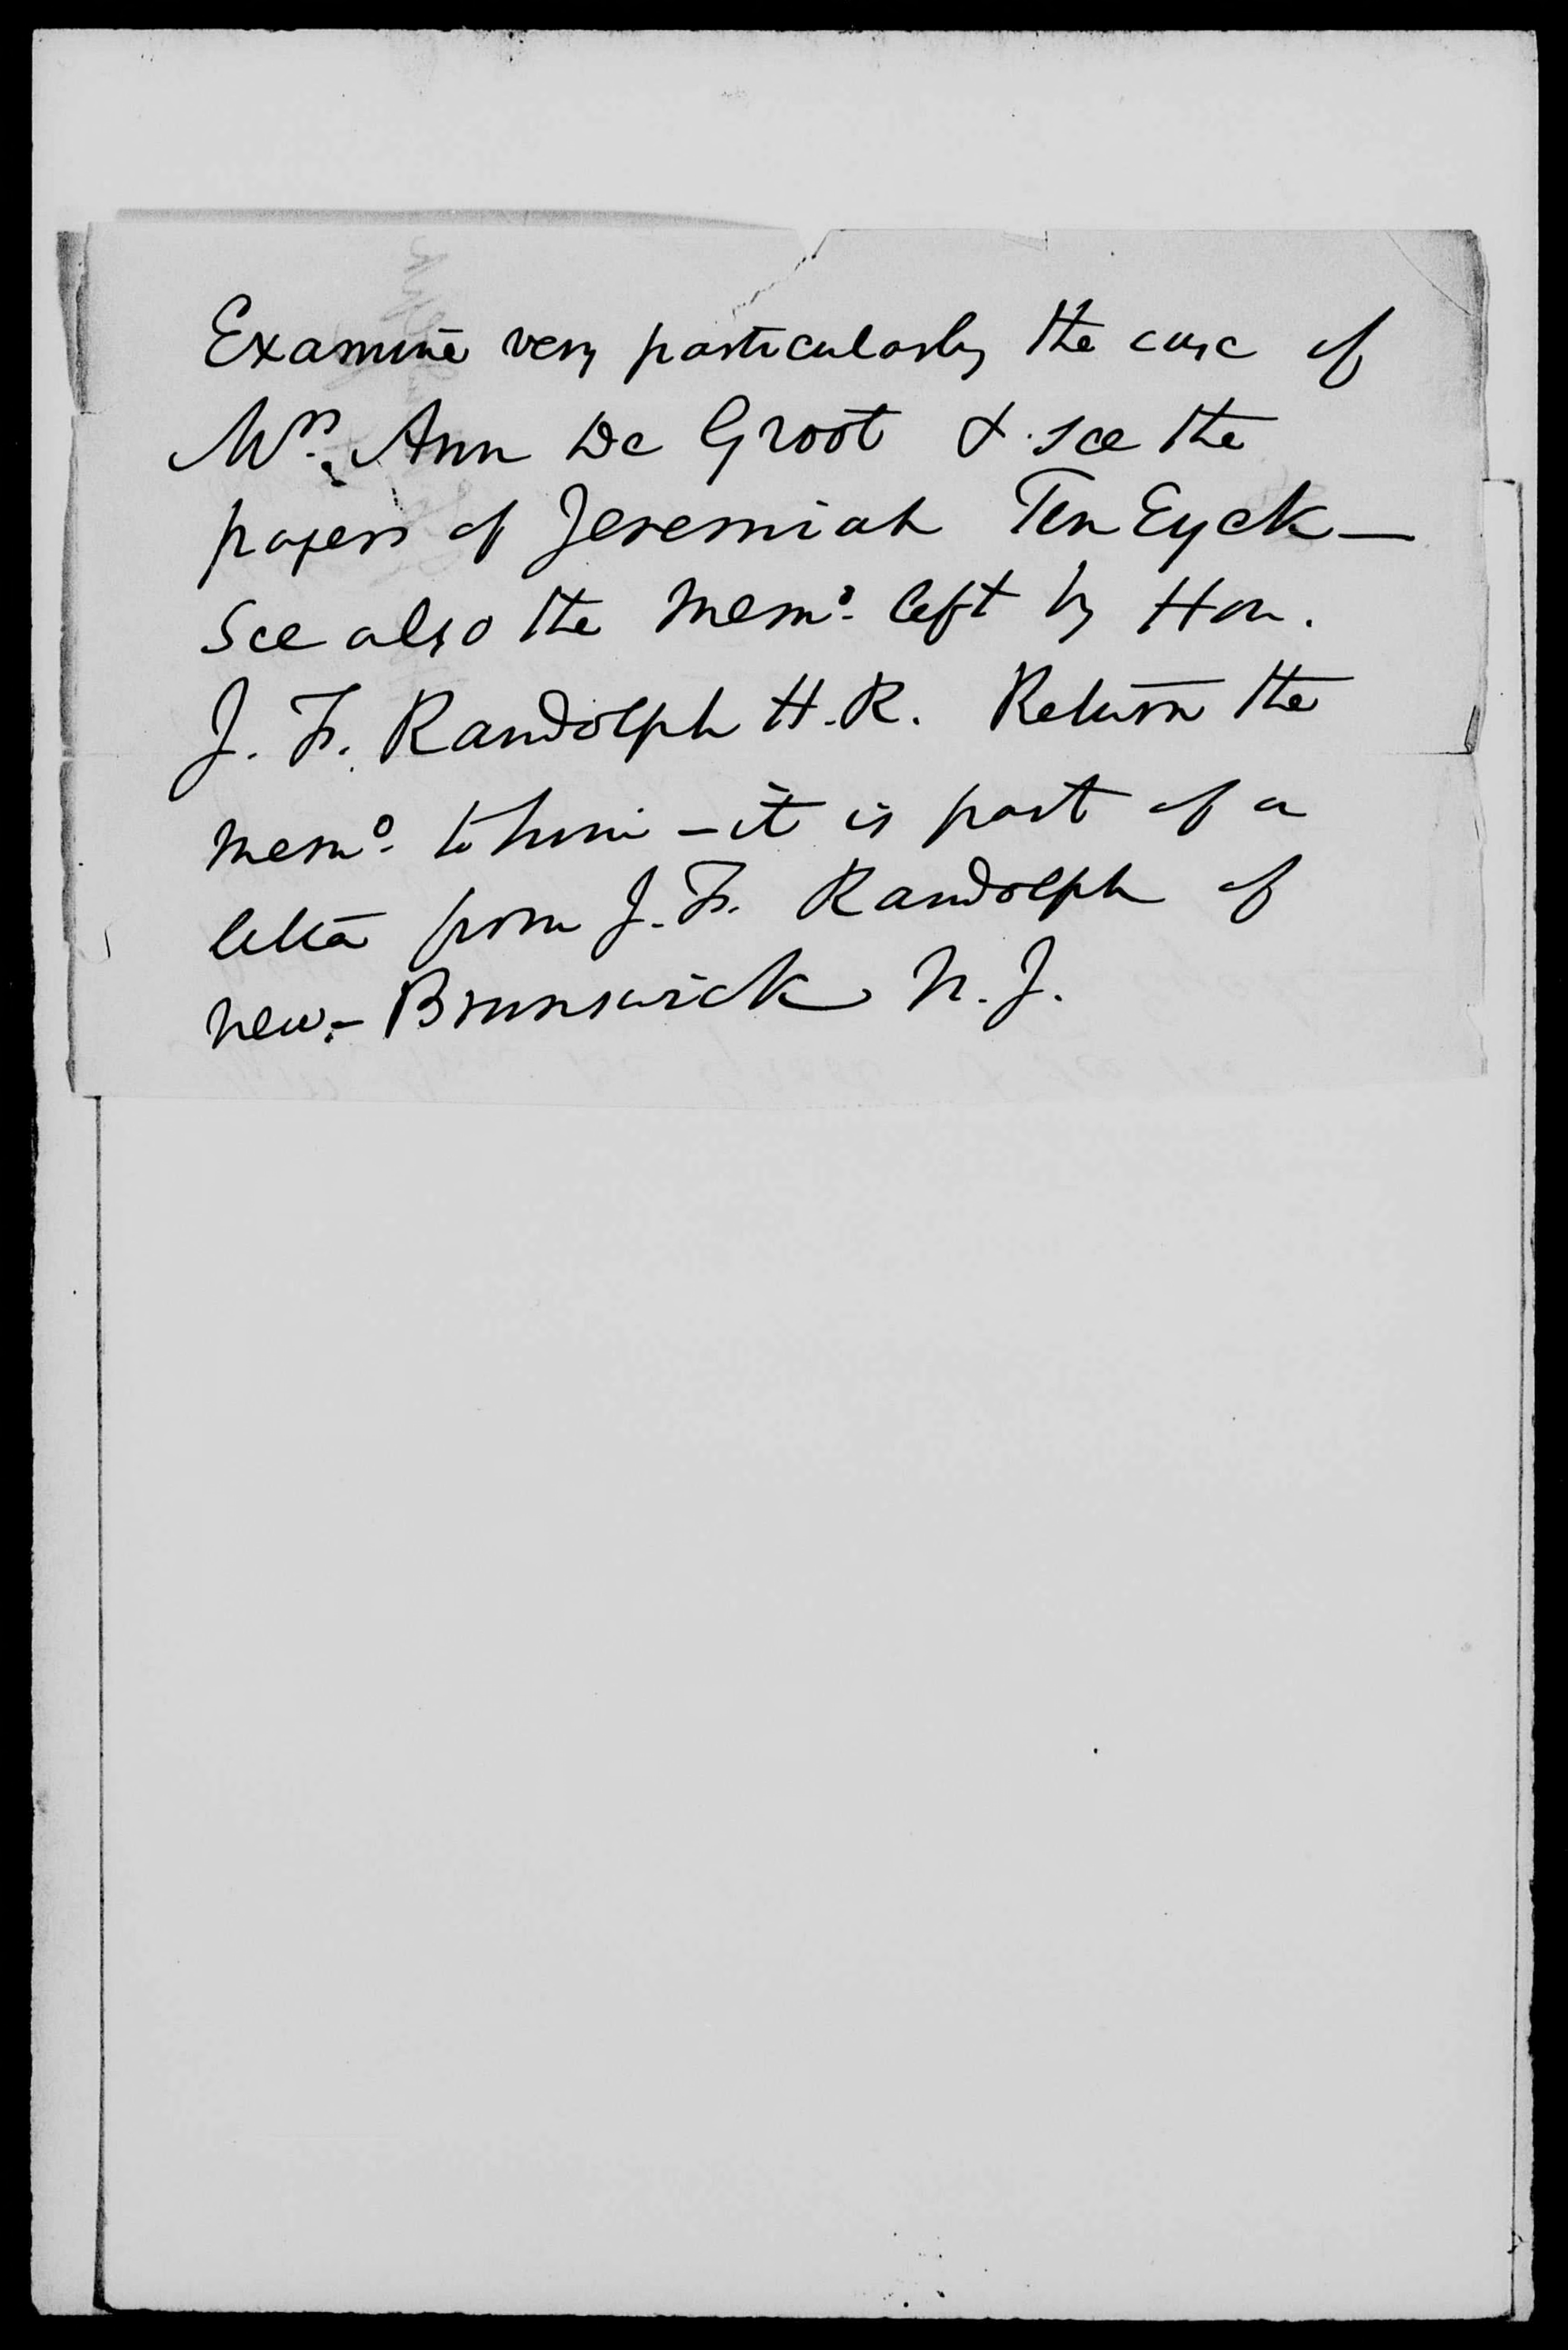Examine very particularly the case of W Ann De Groot + see the papers of Jeremiah Ten Eyck -- See also the memo left by Hon. J. F. Randolph H.R. Return the memo to him - it is part of a letter from J. F. Randolph of New Brunswick N.J.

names: Jeremiah Ten Eyck, J F Randolph, J F Randolph, Ann De Groot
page: 22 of 77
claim: widow's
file: W. 417, William De Groot, New Jersey